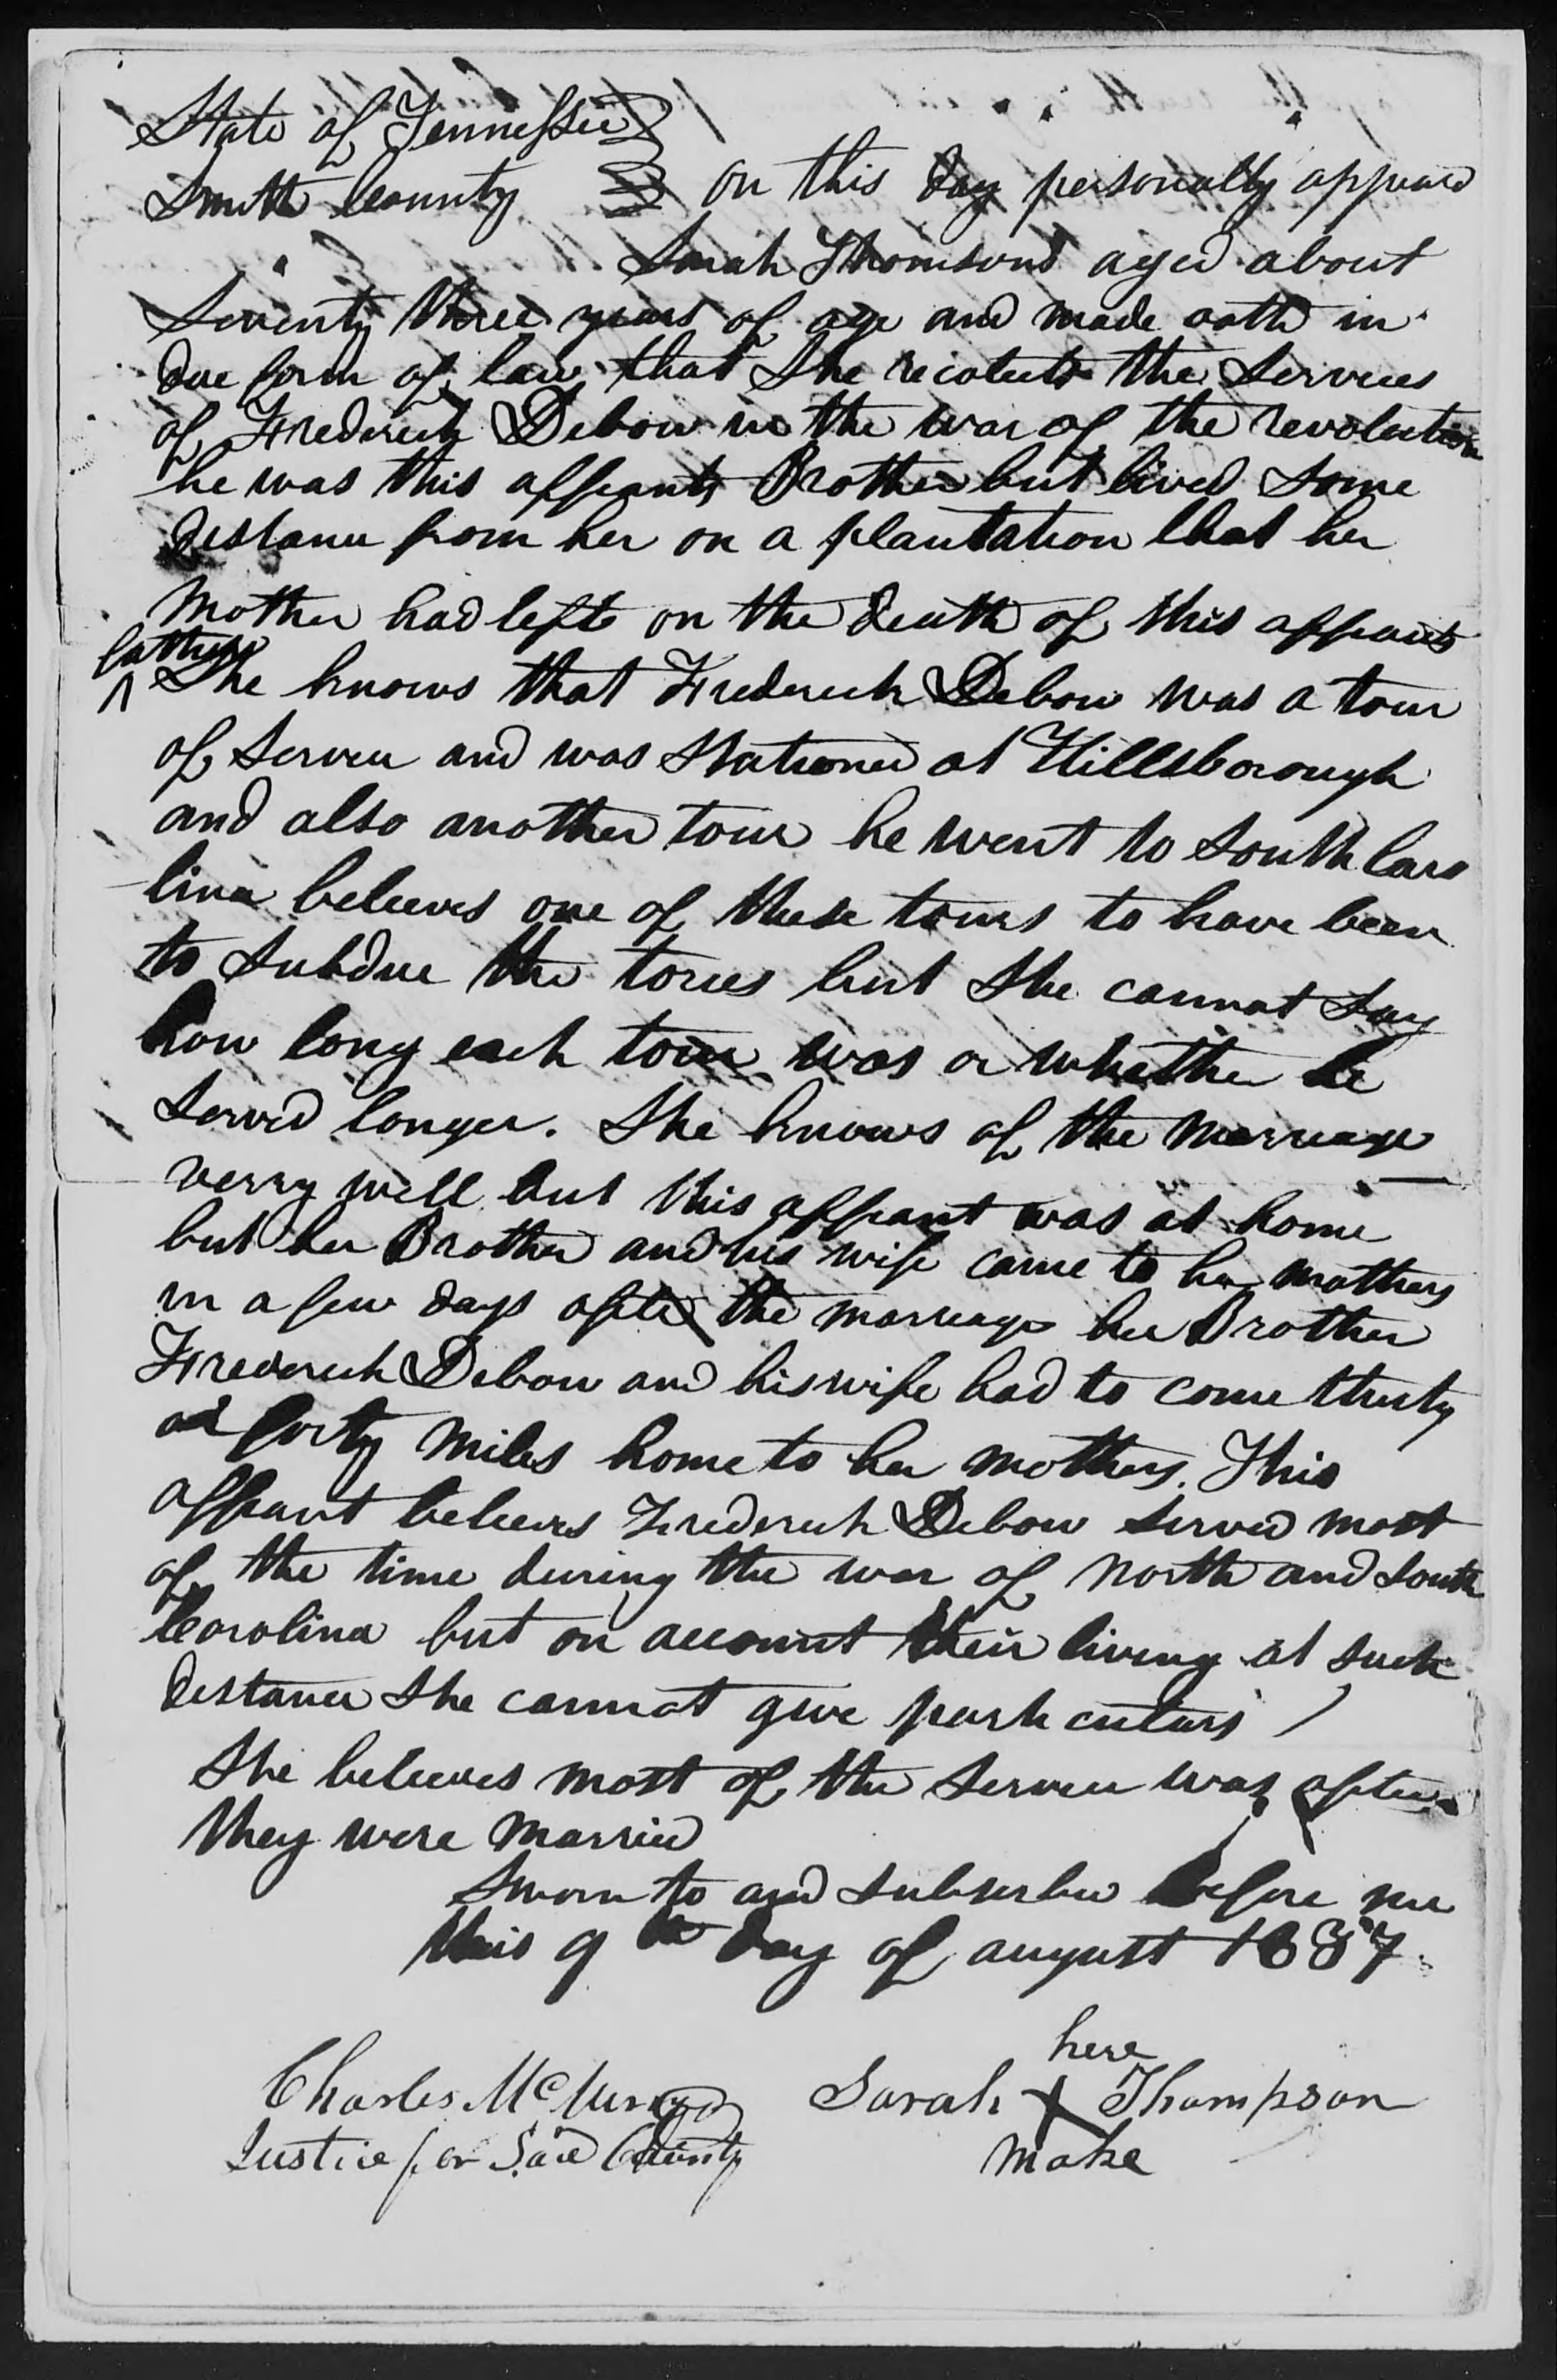State of Tennessee}
Smith County} on this day personally appears 
Sarah Thomson aged about
Seventy three years of age and made oath in due form of law that she recollects the services of Frederick Debow in the War of the Revolution. He was this affiants Brothers but lived some [illegible] from her on a planation that her mother had left on the death of this affiant father. She knows that Frederick Debow was a tour of Service and was [illegible] at Hillsborough and also another tour he went to South Carolina believed one of the those tours to have been to subdue the tories but she cannot say how long each tour was or whether he served long. She knows of the marriage very well but this affiant was at home but her brother and his wife came to her mother in a few days after the marriage her brother Frederick Debow and his wife had to come thirty or forty miles home to her mother. This affiant believes Frederick Debow served most of the time during the war of North and South Carolina but on account their living at [illegible] distances she cannot give park [illegible].
She believes most of the services was after they were married.
Swon to and subscribed before me 
This 9th day of August 1887
Charles McMurry}				Her
Justo for [illegible] County		Sarah X Thompson
				Mark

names: Sarah Thomson, Sarah Thompson, Frederick Debow, Frederick Debow, Frederick Debow, Frederick Debow, Charles Mc Murry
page: 6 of 62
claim: widow's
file: W 7005, Frederick Debow, N.C.